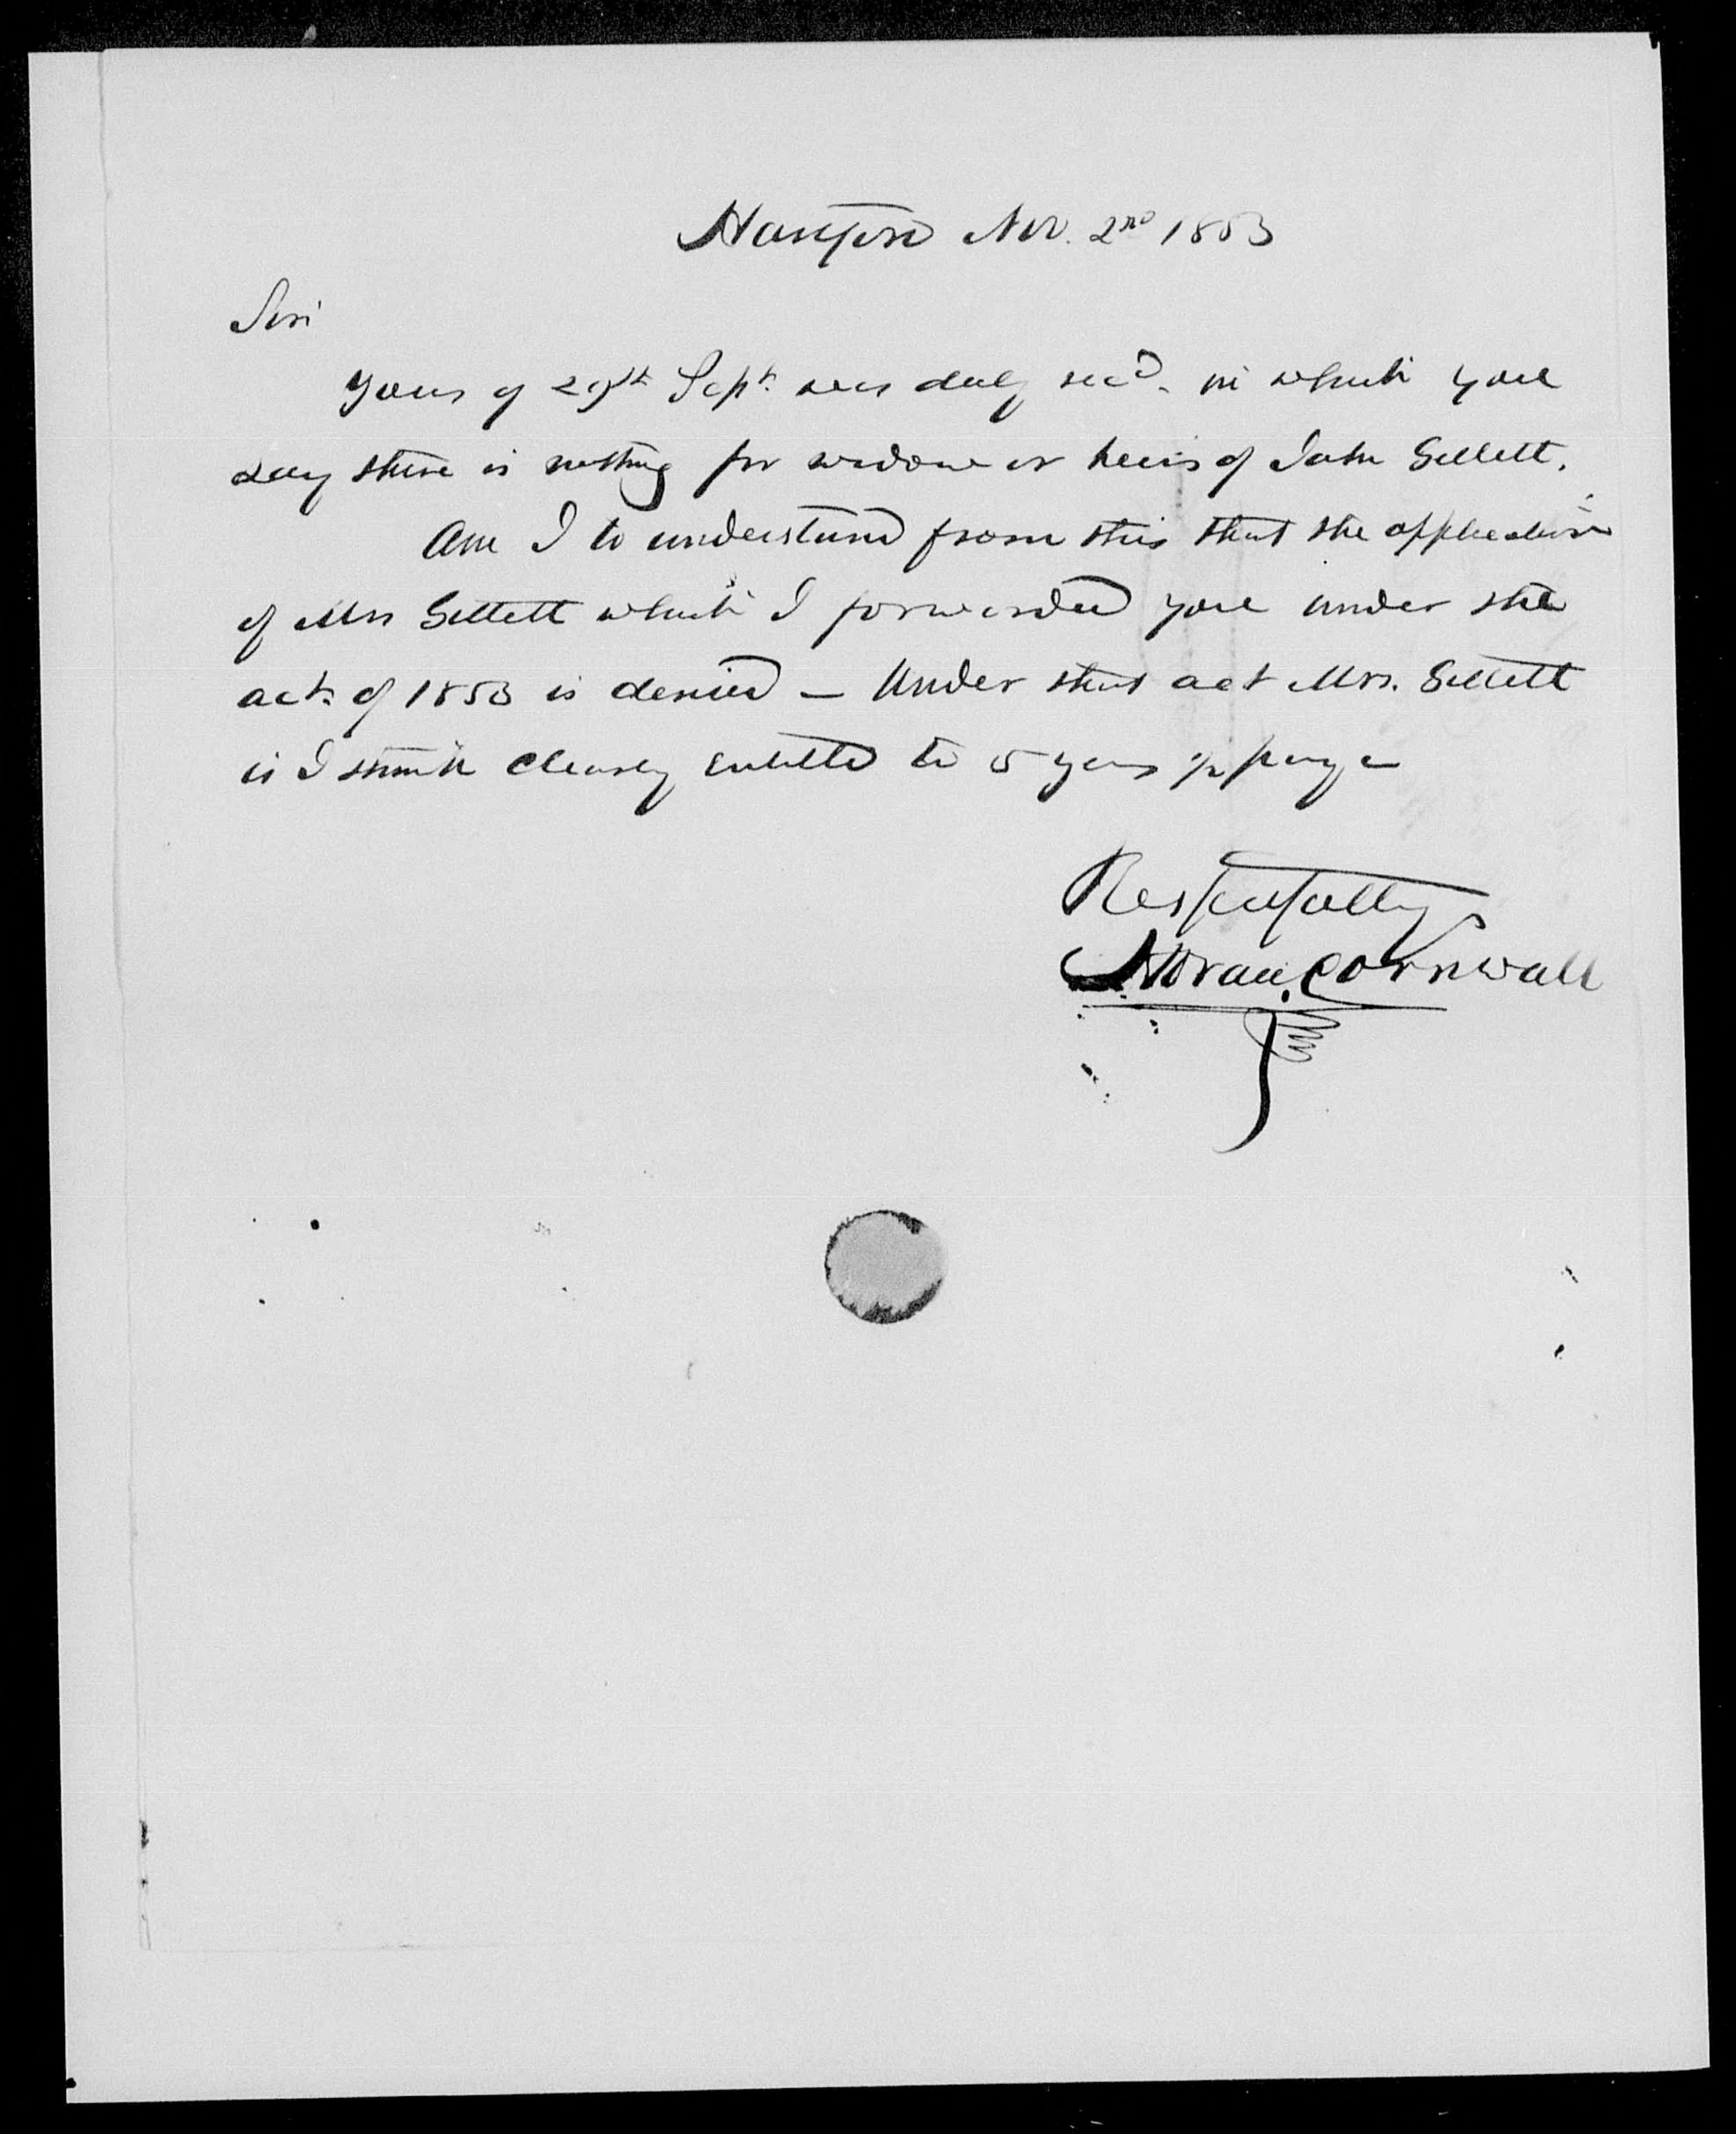Hartford Nov. 2nd 1853
Sir
        Yours of 29th Sept was duly recd. in which you say there is nothing for widow or heirs of John Gillet.
       Am I to understand from this that the application of Mrs. Gillet which I forwarded you under the act of 1853 is denied - Under that act Mrs. Gillet is I think clearly entitled to 5 yrs 1/2 pay.
                                          Respectfully
                                                   Norman Cornwall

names: John Gillett, Gillett, Gillett, Horace Cornwall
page: 24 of 40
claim: survivor's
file: S. 36,537 And R. 4034, John Gillet, Conn.